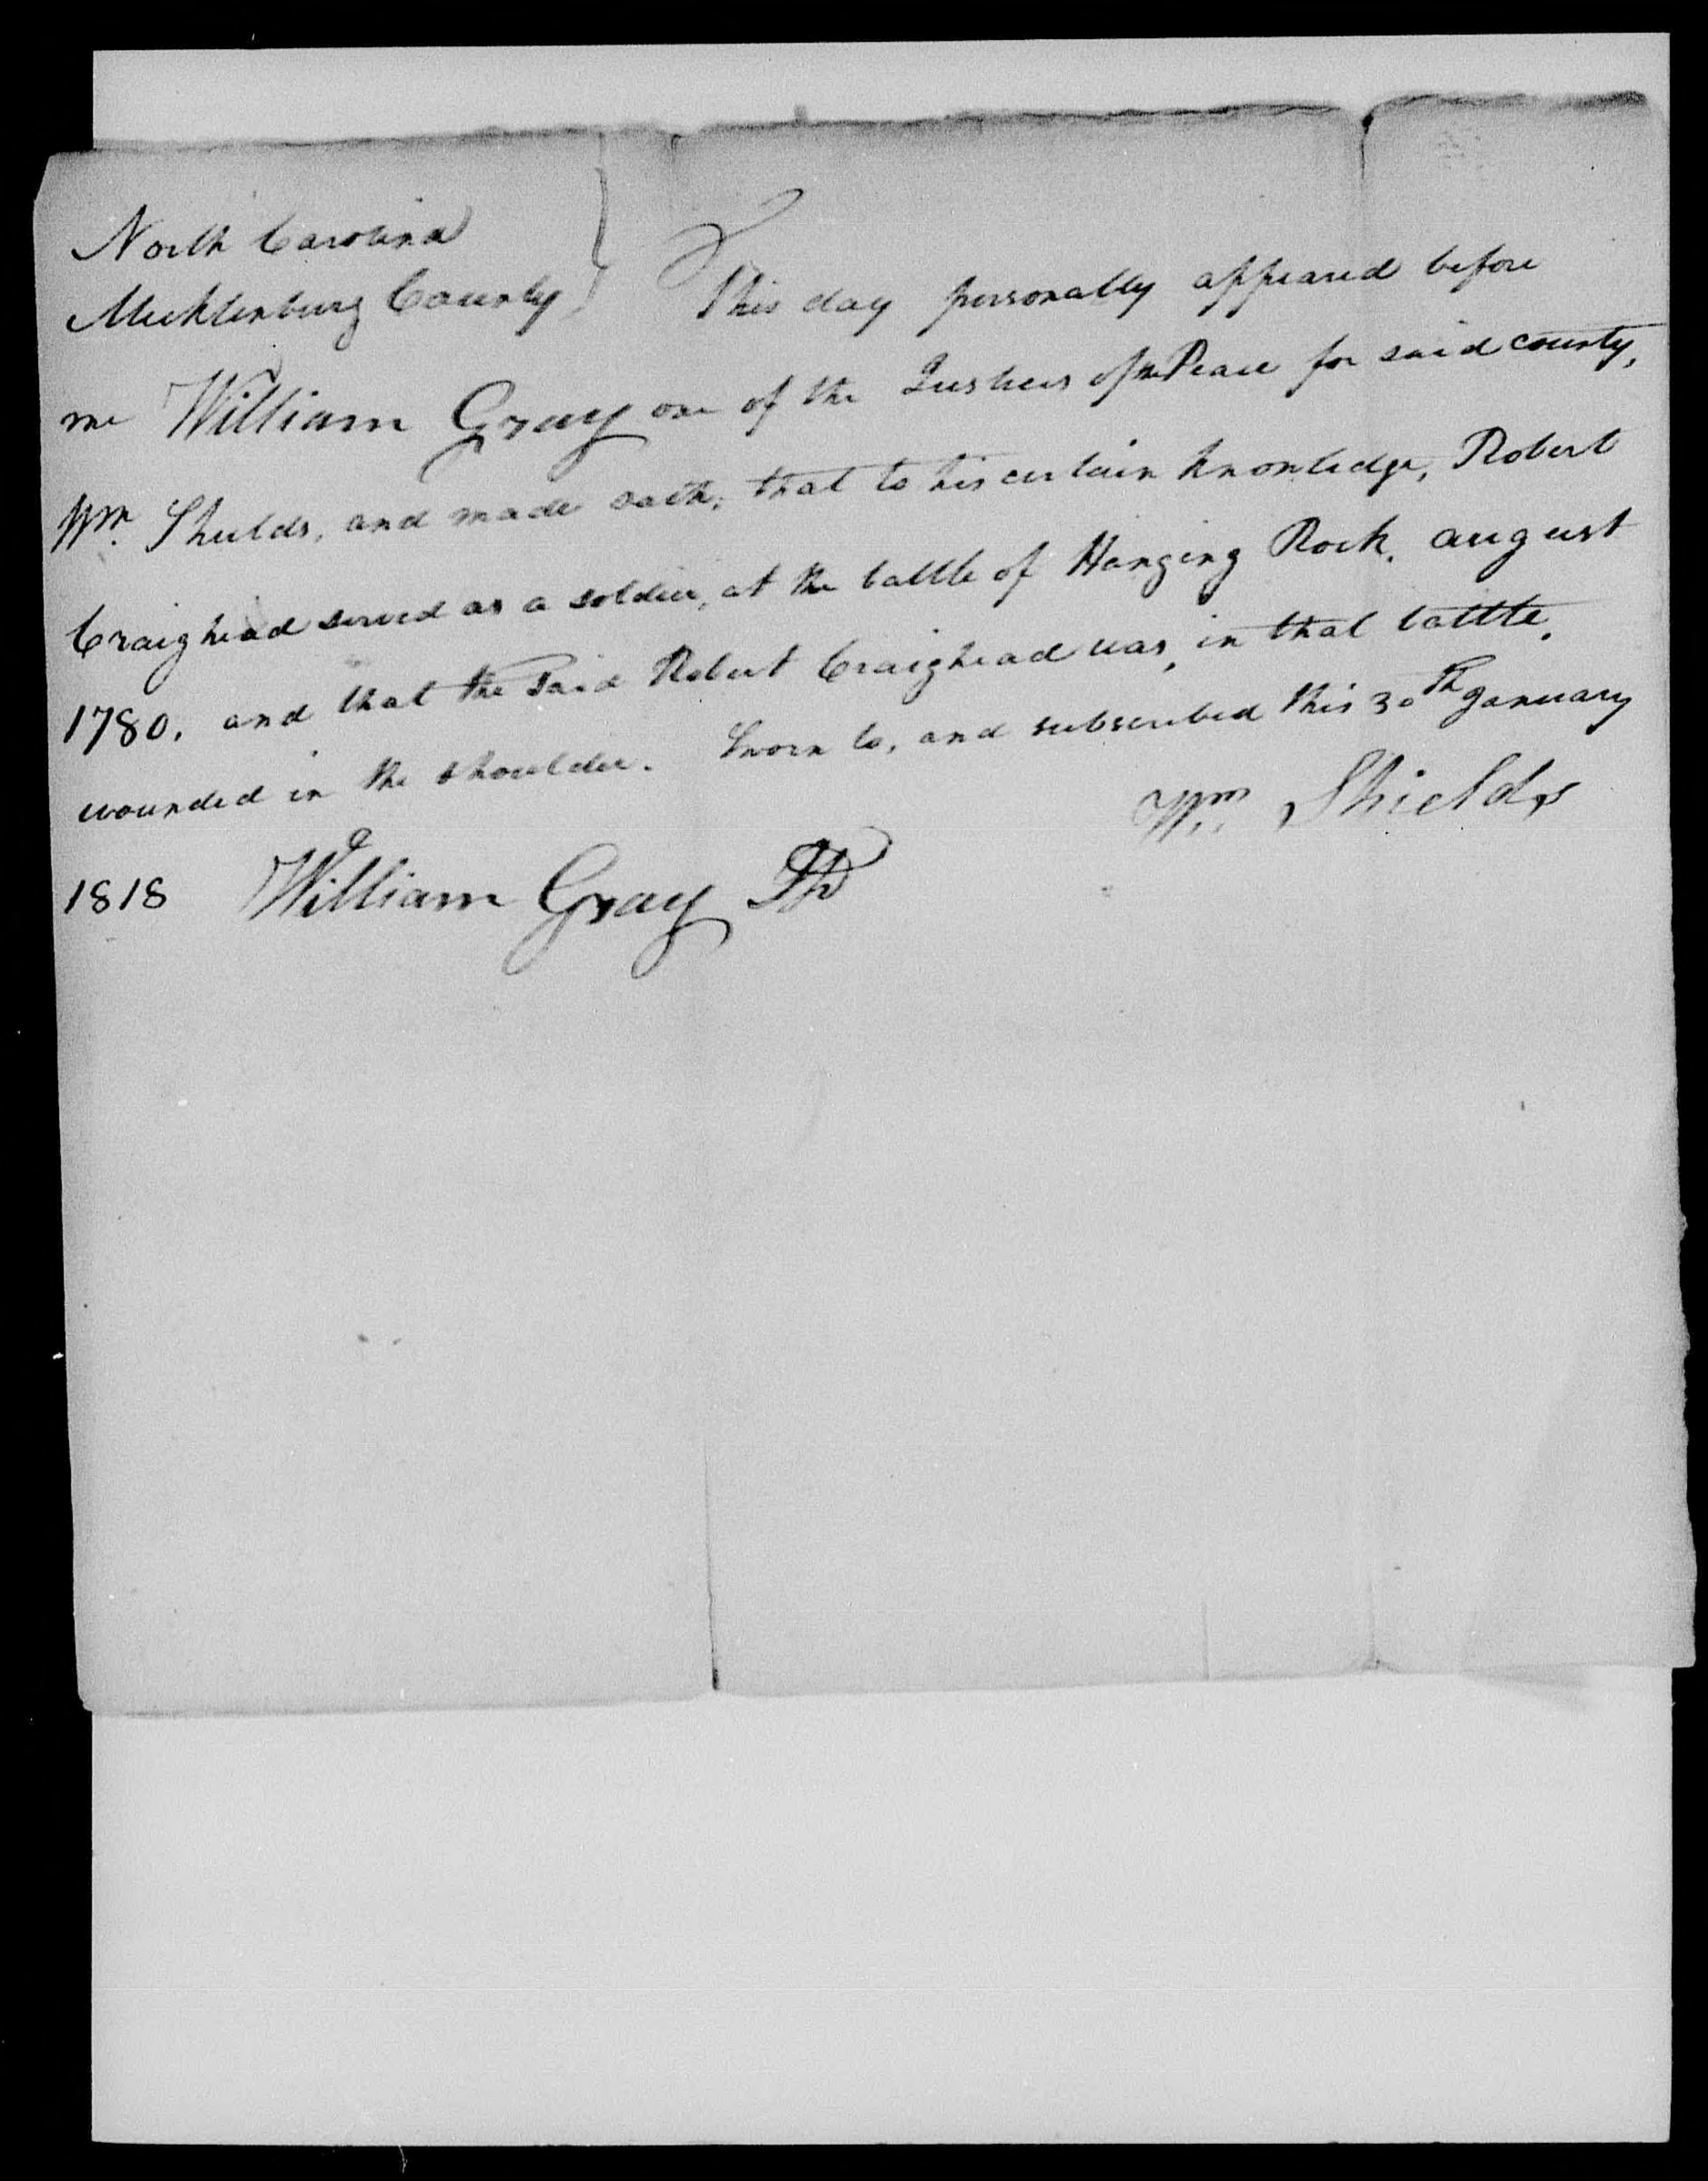North Carolina
Mecklenburg County
this day personally appeared before
me William Gray one of the Justice of Peace for said County,
Wm Shields, and made oath that to his certain knowledge, Robert
Craighead served as a soldier, at the battle of Hanging Rock, August
1780. and that the said Robert Craighead was, in that battle
wounded in
the shoulder.
Sworn to and subscribed this 30th January 1818
William Gray Clk
Wm Shields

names: William Gray, Wm Shields, Robert Craighead, Robert Craighead, Wm Shields, William Gray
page: 16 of 26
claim: survivor's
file: S. 352, Robert Craighead, N.C.